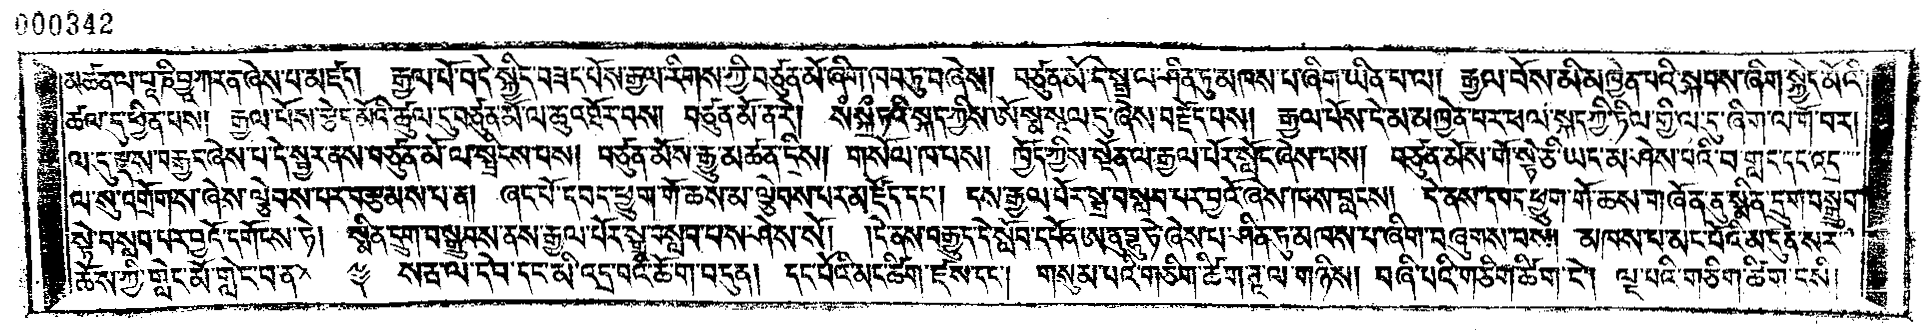མཚན་ལ་པཱ་ཎི་བྱཱ་ཀར་ན་ཞེས་པ་མཛད། རྒྱལ་པོ་བདེ་སྐྱིད་བཟང་པོས་རྒྱལ་རིགས་ཀྱི་བཙུན་མོ་ཞིག་ཁབ་ཏུ་བཞེས། བཙུན་མོ་དེ་སྒྲ་ལ་ཤིན་ཏུ་མཁས་པ་ཞིག་ཡིན་པ་ལ། རྒྱལ་པོས་མི་མཁྱེན་པའི་སྐབས་ཞིག་སྐྱེད་མོའི་
ཚལ་དུ་ཕྱིན་པས། རྒྱལ་པོས་རྩེད་མོའི་ཚུལ་དུ་བཙུན་མོ་ལ་ཆུ་འཐོར་བས། བཙུན་མོ་ན་རེ། སཾ་སྐྲྀ་ཏའི་སྐད་ཀྱིས་ཨོ་སྨ་སཱལ་དུ་ཞེས་བརྗོད་པས། རྒྱལ་པོས་དེ་མ་མཁྱེན་པར་ཕལ་སྐད་ཀྱི་ཏིལ་གྱི་ལ་དུ་ཞིག་ལ་གོ་བར།
ལ་དུ་རྫས་བརྒྱད་ཞེས་པ་དེ་སྦྱར་ནས་བཙུན་མོ་ལ་སྤྲིངས་པས། བཙུན་མོས་རྒྱུ་མཚན་དྲིས། གསོལ་ཁ་པས། ཁྱོད་ཀྱིས་སྔོན་ལ་རྒྱལ་པོར་སློང་ཞེས་པས། བཙུན་མོས་གོ་སྟེ་ཅི་ཡང་མ་ཤེས་པའི་བ་གླང་དང་འདྲ་
ལ་སུ་འགྲོགས་ཞེས་ལྕེབས་པར་བརྩམས་པ་ན། ཞང་པོ་དབང་ཕྱུག་གོ་ཆས་མ་ལྕེབས་པར་མཛོད་དང་། ངས་རྒྱལ་པོར་སྒྲ་བསླབ་པར་བྱའོ་ཞེས་ཁས་བླངས། དེ་ནས་དབང་ཕྱུག་གོ་ཆས་གཞོན་ནུ་སྨིན་དྲུག་བསྒྲུབ་
སྟེ་བསླབ་པར་བྱའོ་དགོངས་ཏེ། སྨིན་དྲུག་བསྒྲུབས་ནས་རྒྱལ་པོར་སྒྲ་བསླབ་པས་ཤེས་སོ། །དེ་ནས་བརྒྱུད་དེ་སློབ་དཔོན་ཨ་ནུ་བྷུ་ཏེ་ཞེས་པ་ཤིན་ཏུ་མཁས་པ་ཞིག་བཞུགས་པས། མཁས་པ་མང་པོའི་མདུན་སར་
ཆོས་ཀྱི་གླེང་མོ་གླེང་བ་ན྾་༈ སརྦ་ལ་དེབ་དང་མི་འདྲ་བའི་ཆོ་ག་བདུན། དང་པོའི་མང་ཚིག་ཛས་དང་། གསུམ་པའི་གཅིག་ཚིག་ཊཱ་ལ་གཉིས། བཞི་པའི་གཅིག་ཚིག་ངེ། ལྔ་པའི་གཅིག་ཚིག་ངསི། ?